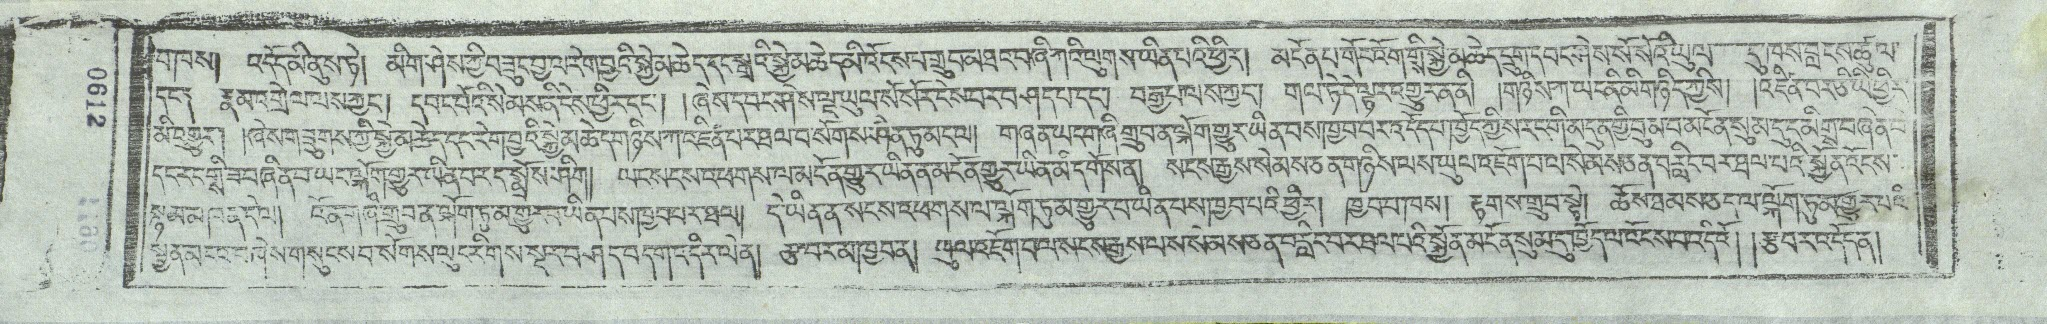པ་ཁས། འདོད་མི་ནུས་ཏེ། མིག་ཤེས་ཀྱི་བཟུང་བྱ་ལ་རེག་བྱའི་སྐྱེ་མཆེད་དང་སྒྲའི་སྐྱེ་མཆེད་མི་འོངས་པ་གྲུབ་མཐའ་བཞི་ཀའི་ལུགས་ཡིན་པའི་ཕྱིར། མངོན་པ་གོང་འོག་གིས་སྐྱེ་མཆེད་དྲུག་དབང་ཤེས་སོ་སོའི་ཡུལ་དུ་ཁས་བླངས་ཚུལ་
དང༑ རྣམ་འགྲེལ་ལས་ཀྱང་། དབང་བོའི་སེམས་ནི་ངེས་ཕྱིར་དང་། །ཞེས་དབང་ཤེས་ལྔ་ཡུལ་སོ་སོར་ངེས་པར་བཤད་པ་དང་། བརྒྱ་པ་ལས་ཀྱང་། གལ་ཏེ་དེ་ལྟར་འགྱུར་ན་ནི། །གཉིས་ཀ་ཡང་ནི་མིག་ཉིད་ཀྱིས། །འཛིན་བར་ཅི་ཡི་ཕྱིར་
མི་འགྱུར། །ཞེས་གཟུགས་ཀྱི་སྐྱེ་མཆེད་དང་རེག་བྱའི་སྐྱེ་མཆེད་གཉིས་ཀ་འཛིན་པར་ཐལ་བ་སོགས་ཤིན་ཏུ་མང་ལ། གཞན་ཡང་གཞི་གྲུབ་ན་ལྐོག་གྱུར་ཡིན་བས་ཁྱབ་པར་འདོད་པ་ཁྱོད་ཀྱིས་རང་གི་མདུན་གྱི་བུམ་པ་མངོན་སུམ་དུ་དམིགས་བཞེན་པ་
དང་རང་གིས་ཟ་བཞིན་བ་ཡང་ལྐོག་གྱུར་ཡིན་པ་རང་སྨྲོས་ཤིག། ཡང་སངས་འཕགས་ལ་མངོན་གྱུར་ཡིན་ན་མངོན་གྱུར་ཡིན་མི་དགོས་ན། སངས་རྒྱས་སེམས་ཅན་གཉིས་ལས་ཡུལ་འཇོག་པ་ལ་སེམས་ཅན་བརླིང་བར་ཐལ་པའི་སྐྱོན་འོངས་
སྙམ་མཁན་དེ་ལ། འོ་ན་གཞི་གྲུབ་ན་ལྐོག་ཏུ་མ་གྱུར་བ་ཡིན་པས་ཁྱབ་པར་ཐལ། དེ་ཡིན་ན་སངས་འཕགས་ལ་ལྐོག་ཏུ་མ་གྱུར་པ་ཡིན་པས་ཁྱབ་པའི་ཕྱིར། ཁྱབ་པ་ཁས། རྟགས་གྲུབ་སྟེ། ཆོས་ཐམས་ཅད་ལ་ལྐོག་ཏུ་མ་གྱུར་པའི་
སྤྱན་མངའ་བཞེས་གསུངས་པ་སོགས་ལུང་རིགས་སྔར་བཤད་བདག་འདིར་ལེན། རྩ་བར་མ་ཁྱབ་ན། ཡུལ་འཇོག་བ་ལ་སངས་རྒྱས་ལས་སེམས་ཅན་བརླིང་བར་ཐལ་པའི་སྐྱོན་མངོན་སུམ་དུ་ཁྱོད་ལ་འོངས་པ་འདིའོ། །རྩ་བར་འདོད་ན།